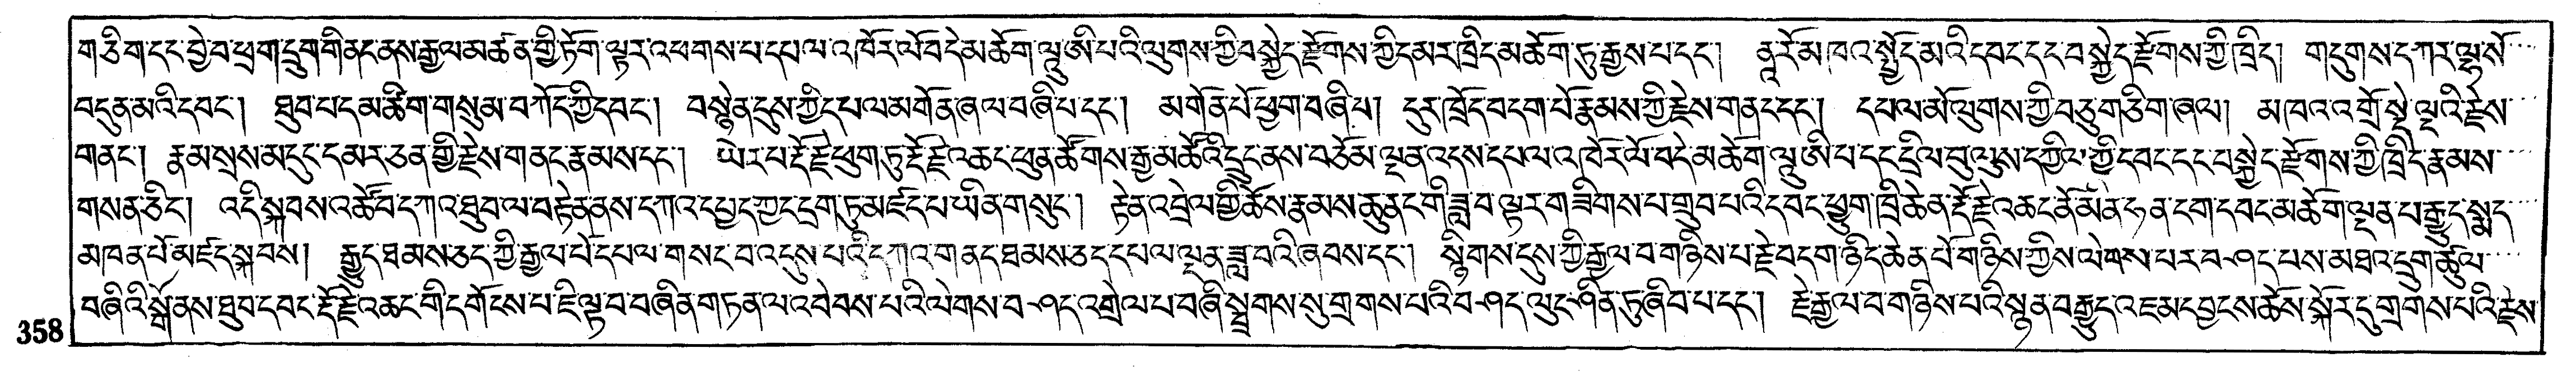གཅིག་དང་བྱེ་བ་ཕྲག་དྲུག་གི་ནང་ནས་རྒྱལ་མཚན་གྱི་ཏོག་ལྟར་འཕགས་པ་དཔལ་འཁོར་ལོ་བདེ་མཆོག་ལཱུ་ཨི་པའི་ལུགས་ཀྱི་བསྐྱེད་རྫོགས་ཀྱི་དམར་ཁྲིད་མཆོག་ཏུ་རྒྱས་པ་དང་། མཱ་རོ་མཁའ་སྦྱོད་མའི་དབང་དང་བསྐྱེད་རྫོགས་ཀྱི་ཁྲིད། གདུགས་དཀར་ལྷ་སོ་
བདུན་མའི་དབང་། ཐུབ་པ་དམ་ཚིག་གསུམ་བཀོད་ཀྱི་དབང་། བསྙེན་དུས་ཀྱི་དཔལ་མགོན་ཞལ་བཞི་པ་དང་། མགོན་པོ་ཕྱག་བཞི་པ། དུར་ཁྲོད་བདག་པོ་རྣམས་ཀྱི་རྗེས་གནང་དང་། དཔལ་མོ་ལུགས་ཀྱི་བཅུ་གཅིག་ཞལ། མཁའ་འགྲོ་སྡེ་ལྔའི་རྗེས་
གནང་། རྣམ་སྲས་མདུང་དམར་ཅན་གྱི་རྗེས་གནང་རྣམས་དང་། ཡེར་པ་རྡོ་རྗེ་ཕུག་ཏུ་རྡོ་རྗེ་འཆང་ཕུན་ཚོགས་རྒྱ་མཚོའི་དྲུང་ནས་བཅོམ་ལྡན་འདས་དཔལ་འཁོར་ལོ་བདེ་མཆོག་ལཱུ་ཨི་པ་དང་དྲིལ་བུ་ལུས་དཀྱིལ་ཀྱི་དབང་དང་བསྐྱེད་རྫོགས་ཀྱི་ཁྲིད་རྣམས་
གསན་ཅིང་། འདི་སྐབས་འཚོ་བ་དཀའ་ཐུབ་ལ་བརྟེན་ནས་དཀའ་དཔྱད་ཀྱང་དྲག་ཏུ་མཛད་པ་ཡིན་གསུང་། རྟེན་འབྲེལ་གྱི་ཆོས་རྣམས་ཆུ་ནང་གི་ཟླ་བ་ལྟར་གཟིགས་པ་གྲུབ་པའི་དབང་ཕྱུག་ཁྲི་ཆེན་རྡོ་རྗེ་འཆང་ནི་མིན་ཧན་ངག་དབང་མཆོག་ལྡན་པ་རྒྱུད་སྨད་
མཁན་པོ་མཛད་སྐབས། རྒྱུད་ཐམས་ཅད་ཀྱི་རྒྱལ་པོ་དཔལ་གསང་བ་འདུས་པའི་དཀའ་གནང་ཐམས་ཅད་དཔལ་ལྡན་ཟླ་བའི་ཞབས་དང་། སྙིགས་དུས་ཀྱི་རྒྱལ་པ་གཉིས་པ་རྗེ་བདག་ཉིད་ཆེན་པོ་གཉིས་ཀྱིས་ལེགས་པར་བཤད་པས་མཐའ་དྲུག་ཚུལ་
བཞིའི་སྒོ་ནས་ཐུབ་དབང་རྡོ་རྗེ་འཆང་གི་དགོངས་པ་ཇི་ལྟ་བ་བཞིན་གཏན་ལ་འབེབས་པའི་ལེགས་བཤད་འགྲེལ་པ་བཞི་སྤྲགས་སུ་གྲགས་པའི་བཤད་ལུང་ཤིན་ཏུ་ཞིབ་པ་དང་། རྗེ་རྒྱལ་བ་གཉིས་པའི་སྙན་བརྒྱུད་འཇམ་དབྱངས་ཆོས་སྐོར་དུ་གྲགས་པའི་རྗེས་